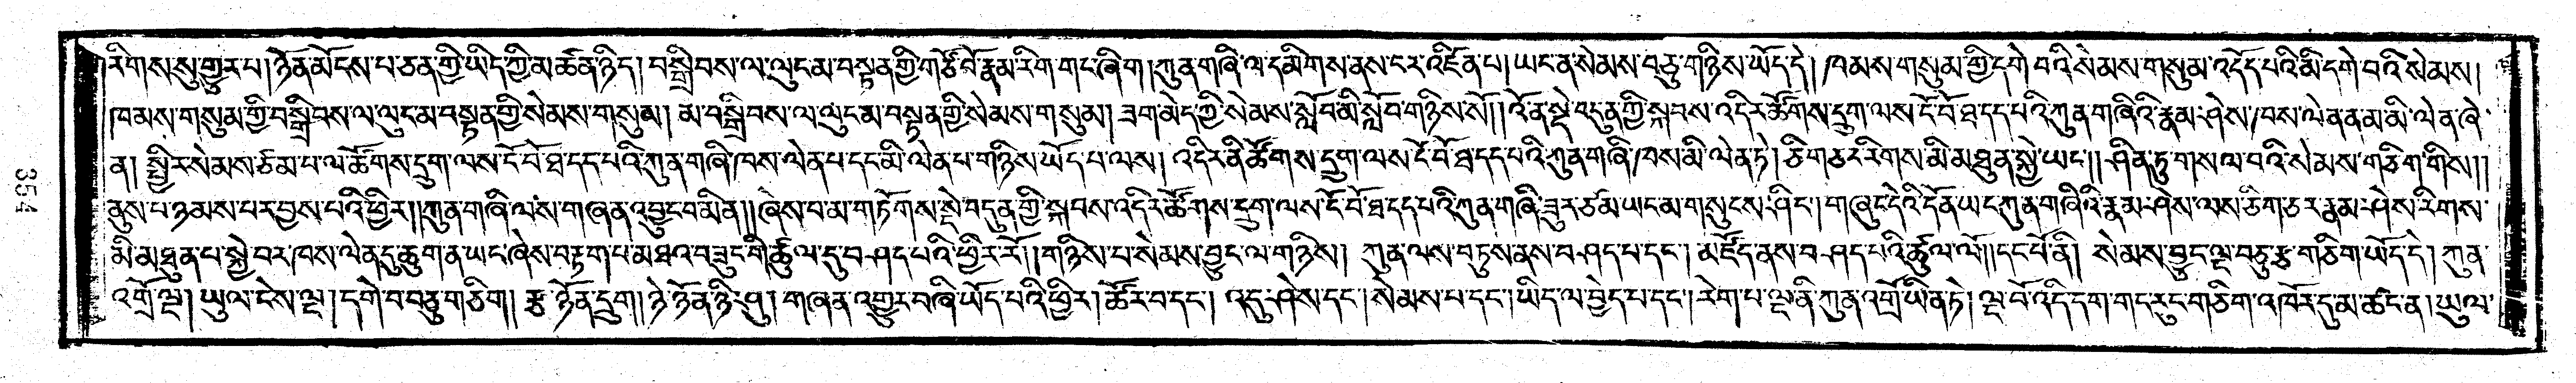རིགས་སུ་གྱུར་པ། ཉོན་མོངས་པ་ཅན་གྱི་ཡིད་ཀྱི་མཚན་ཉིད། བསྒྲིབས་ལ་ལུང་མ་བསྟན་གྱི་གཙོ་བོ་རྣམ་རིག་གང་ཞིག། ཀུན་གཞི་ལ་དམིགས་ནས་ངར་འཛིན་པ། ཡང་ན་སེམས་བཅུ་གཉིས་ཡོད་དེ། ཁམས་གསུམ་གྱི་དགེ་བའི་སེམས་གསུམ་འདོད་པའི་མི་དགེ་བའི་སེམས།
ཁམས་གསུམ་གྱི་བསྒྲིབས་ལ་ལུང་མ་བསྟན་གྱི་སེམས་གསུམ། མ་བསྒྲིབས་ལ་ལུང་མ་བསྟན་གྱི་སེམས་གསུམ། ཟག་མེད་ཀྱི་སེམས་སློབ་མི་སློབ་གཉིས་སོ། །འོ་ན་སྡེ་བདུན་གྱི་སྐབས་འདིར་ཚོགས་དྲུག་ལས་ངོ་བོ་ཐ་དད་པའི་ཀུན་གཞིའི་རྣམ་ཤེས་ཁས་ལེན་ནམ་མི་ལེན་ཞེ་
ན། སྤྱིར་སེམས་ཙམ་པ་ལ་ཚོགས་དྲུག་ལས་ངོ་བོ་ཐ་དད་པའི་ཀུན་གཞི་ཁས་ལེན་པ་དང་མི་ལེན་པ་གཉིས་ཡོད་པ་ལས། འདིར་ནི་ཚོགས་དྲུག་ལས་ངོ་བོ་ཐ་དད་པའི་ཀུན་གཞི་ཁས་མི་ལེན་ཏེ། ཅིག་ཅར་རིགས་མི་མཐུན་སྐྱེ་ཡང་། །ཤིན་ཏུ་གསལ་བའི་སེམས་གཅིག་གིས། །
ནུས་པ་ཉམས་པར་བྱས་པའི་ཕྱིར། །ཀུན་གཞི་ལས་གཞན་འབྱུང་བ་མིན། །ཞེས་པ་མ་གཏོགས་སྡེ་བདུན་གྱི་སྐབས་འདིར་ཚོགས་དྲུག་ལས་ངོ་བོ་ཐ་དད་པའི་ཀུན་གཞི་ཟུར་ཙམ་ཡང་མ་གསུངས་ཤིང་། གཞུང་དེའི་དོན་ཡང་ཀུན་གཞིའི་རྣམ་ཤེས་ལས་ཅིག་ཅར་རྣམ་ཤེས་རིགས་
མི་མཐུན་པ་སྐྱེ་བར་ཁས་ལེན་དུ་ཆུག་ན་ཡང་ཞེས་བརྟག་པ་མཐའ་བཟུང་གི་ཚུལ་དུ་བཤད་པའི་ཕྱིར་རོ། །གཉིས་པ་སེམས་བྱུང་ལ་གཉིས། ཀུན་ལས་བཏུས་ནས་བཤད་པ་དང་། མཛོད་ནས་བཤད་པའི་ཚུལ་ལོ། །དང་པོ་ནི། སེམས་བྱུང་ལྔ་བཅུ་རྩ་གཅིག་ཡོད་དེ། ཀུན་
འགྲོ་ལྔ། །ཡུལ་ངེས་ལྔ། དགེ་བ་བཅུ་གཅིག། རྩ་ཉོན་དྲུག། ཉེ་ཉོན་ཉི་ཤུ། གཞན་འགྱུར་བཞི་ཡོད་པའི་ཕྱིར། ཚོར་བ་དང་། འདུ་ཤེས་དང་། སེམས་པ་དང་། ཡིད་ལ་བྱེད་པ་དང་། རེག་པ་ལྔ་ནི་ཀུན་འགྲོ་ཡིན་ཏེ། ལྔ་པོ་འདི་དག་གང་རུང་གཅིག་འཁོར་དུ་མ་ཆད་ན། ཡུལ་